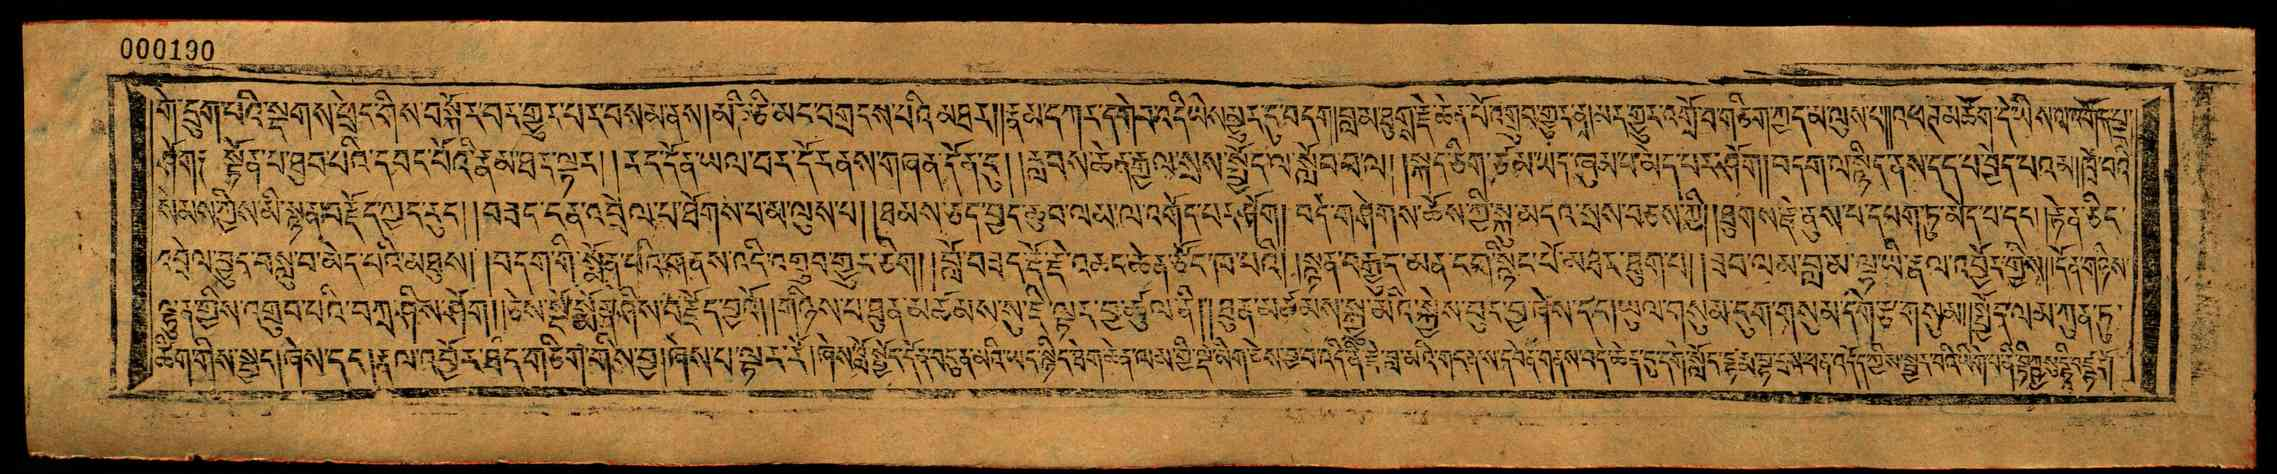གེ་དྲུག་པའི་སྔགས་ཕྲེང་གིས་བསྐོར་བར་གྱུར་པར་བསམ་ནས། མ་ཎི་ཅི་མང་བགྲངས་པའི་མཐར། །རྣམ་དཀར་དགེ་བ་འདི་ཡིས་མྱུར་དུ་བདག །བླ་མ་ཐུགས་རྗེ་ཆེན་པོ་འགྲུབ་གྱུར་ནས། །མར་གྱུར་འགྲོ་བ་གཅིག་ཀྱང་མ་ལུས་པ། །འཕགས་མཆོག་དེ་ཡིས་ལ་འགོད་པར་
ཤོག །སྟོན་པ་ཐུབ་པའི་དབང་པོའི་རྣམ་ཐར་ལྟར། །རང་དོན་ཡལ་བར་དོར་ནས་གཞན་དོན་དུ། །རླབས་ཆེན་རྒྱལ་སྲས་སྤྱོད་ལ་སློབ་པ་ལ། །སྐད་ཅིག་ཙམ་ཡང་ཞུམ་པ་མེད་པར་ཤོག །བདག་ལ་སྙིང་ནས་དད་པ་བྱེད་པ་འམ། ཁྲོ་བའི་
སེམས་ཀྱིས་མི་སྙན་བརྗོད་ཀྱང་རུང་། །བཟང་ངན་འབྲེལ་བ་ཐོགས་པ་མ་ལུས་པ། །ཐམས་ཅད་བྱང་ཆུབ་ལམ་ལ་འགོད་པར་ཤོག །བདེ་གཤེགས་ཆོས་ཀྱི་སྐུ་མངའ་སྲས་བཅས་ཀྱི། །ཐུགས་རྗེ་ནུས་པ་དཔག་ཏུ་མེད་པ་དང་། །རྟེན་ཅིང་
འབྲེལ་བྱུང་བསླུ་བ་མེད་པའི་མཐུས། །བདག་གི་སྨོན་པའི་གནས་འདི་འགྲུབ་གྱུར་ཅིག །བློ་བཟང་རྡོ་རྗེ་འཆང་ཆེན་ཙོང་ཁ་པའི། །སྙན་བརྒྱུད་མན་ངག་སྙིང་པོ་མཐར་ཐུག་པ། །ཟབ་ལམ་བླ་མ་ལྷ་ཡི་རྣལ་འབྱོར་གྱིས། །དོན་གཉིས་ལྷུན་
གྱིས་འགྲུབ་པའི་བཀྲ་ཤིས་ཤོག །ཅེས་བསྔོ་སྨོན་ཤིས་བརྗོད་བྱའོ། །གཉིས་པ་ཐུན་མཚམས་སུ་ཇི་ལྟར་བྱ་ཚུལ་ནི། ཐུན་མཚམས་སྒྱུ་མའི་སྐྱེས་བུར་བྱ། ཞེས་དང་། ཡུལ་གསུམ་དུག་གསུམ་དགེ་རྩ་གསུམ། །སྤྱོད་ལམ་ཀུན་ཏུ་
ཚིག་གིས་སྦྱང་། ཞེས་དང་། རྣལ་འབྱོར་ཐམས་ཅད་གཅིག་གིས་བྱ། ཞེས་པ་ལྟར་རོ། ཞེས་བློ་སྦྱོང་དོན་བདུན་མའི་ཡང་སྙིང་ཐེག་ཆེན་ལམ་གྱི་ལྡེ་མིག་ཅེས་བྱ་བ་འདི་ནི་རྗེ་བླ་མའི་གདན་ས་དབེན་གནས་བདེ་ཆེན་དུ་དགེ་སློང་དྷརྨ་བྷ་དྲས་ལན་འདོད་ཀྱིས་སྦྱར་བའི་ཡི་གེ་པ་ནི་བཏིཀྵུ་སུ་དྷཱི་བཛྲ་རོ།།